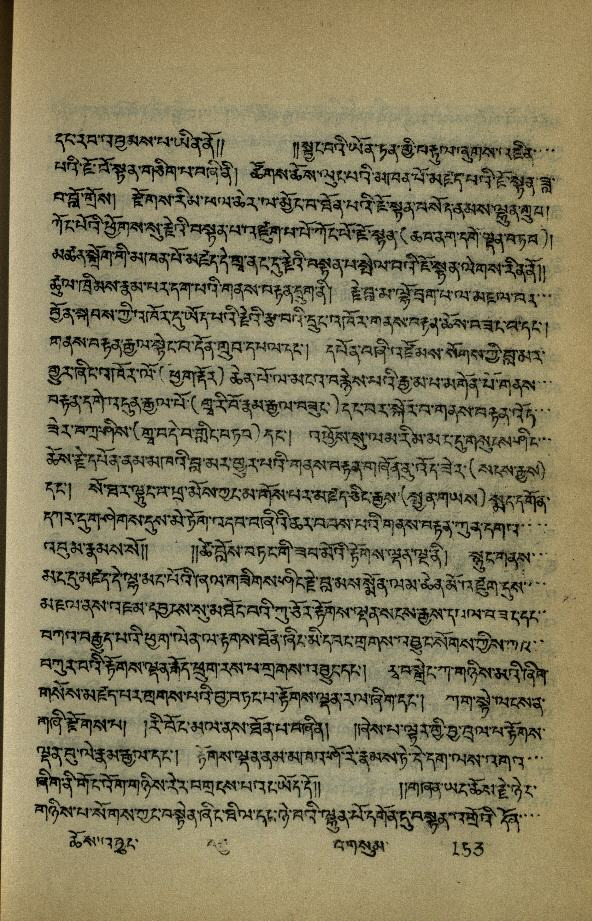དང་རབ་འབྱམས་པ་ཡིན་ནོ།། །།སྦྱང་བའི་ཡོན་ཏན་གྱི་བརྟུལ་ཞུགས་འཛིན་
པའི་ཇོ་བོ་སྟན་གཅིག་པ་བཞི་ནི། ཚོགས་ཆོས་ལུང་པའི་མཁན་པོ་མཛད་པའི་ཇོ་སྟན་ཟླ་
བ་བློ་གྲོས། རྫོགས་རིམ་ཕལ་ཆེར་ལ་མྱོང་བ་ཐོན་པའི་ཇོ་སྟན་བསོད་ནམས་ལྷུན་གྲུབ།
ཀོང་པོའི་ཕྱོགས་སུ་རྗེའི་བསྟན་པ་འཛུག་པ་པོ་ཀོང་པོ་ཇོ་སྟན་ཆབ་ནག་དགོ་ལྡན་བཏབ།
མཚན་སྒྲོག་གི་མཁན་པོ་མཛད་དེ་གྲྭ་ནང་དུ་རྗེའི་བསྟན་པ་སྤེལ་བའི་ཇོ་སྟན་ལེགས་རིན་ནོ།།
ཚུལ་ཁྲིམས་རྣམ་པར་དག་པའི་གནས་བརྟན་དྲུག་ནི། རྗེ་བླ་མ་ལྷོ་བྲག་པ་ལ་མཇལ་བར་
བྱོན་སྐབས་ཀྱི་འཁོར་དུ་ཡོད་པའི་རྗེའི་རྩ་བའི་དྲུང་འཁོར་གནས་བརྟན་ཆོས་བཟང་བ་དང་།
གནས་བརྟན་རྒྱལ་སྟེང་བ་དོན་གྲུབ་དཔལ་དང་། དཔོན་བཞི་འཛོམས་སོགས་ཀྱི་བླ་མར་
གྱུར་ཞིང་འཁོར་ལོ་ཕྱག་རྡོར་ཆེན་པོ་ལ་མངའ་བརྙེས་པའི་རྒྱ་མ་པ་མགོན་པོ་གནས་
བརྟན་དགེ་འདུན་རྒྱལ་པོ་གྲྭ་རི་བོ་རྣམ་རྒྱལ་བཟུང་དང་བར་སྐོར་བ་གནས་བརྟན་འོད་
ཟེར་བཀྲ་ཤིས་གྲྭ་བདེ་བ་གླིང་བཏབ་དང་། འཕྱོས་སུ་ལམ་རིམ་མང་དུ་གསུངས་ཤིང་
ཆོས་རྗེ་དཔོན་ནམ་མཁའི་བླ་མར་གྱུར་པའི་གནས་བརྟན་གཞོན་ནུ་འོད་ཟེར་སངས་རྒྱས
དང་། སོ་ཐར་ལྟུང་བ་ཕྲ་མོས་ཀྱང་མ་གོས་པར་མཛད་ཅིང་རྒྱས་སྤྱན་གཡས་སྨད་དགོན་
དཀར་དུ་གཤེགས་དུས་མེ་ཏོག་འདབ་བཞིའི་ཆར་བབས་པའི་གནས་བརྟན་ཀུན་དགའ་
འབུམ་རྣམས་སོ།། །།ཚེ་བློས་བཏང་གི་ཟབ་མོའི་རྟོགས་ལྡན་ལྔ་ནི། སྙུང་གནས་
མང་དུ་མཛད་དེ་ལྷ་མང་པོའི་ཞལ་གཟིགས་ཤིང་རྗེ་བླ་མས་སྨོན་ལམ་ཆེན་མོ་འཛུག་དུས་
མཇལ་ནས་འཇམ་དབྱངས་སུ་མཐོང་བའི་ཀུ་ཅོར་རྟོགས་ལྡན་སངས་རྒྱས་དཔལ་བཟང་དང་
བཀའ་བརྒྱུད་པའི་ཕྱག་ལེན་ལ་རྟགས་ཐོན་ཞིང་མི་དབང་གྲགས་འབྱུང་སོགས་ཀྱིས་ཀཱ་
བཀུར་བའི་རྟོགས་ལྡན་རྒོད་ཕྲུག་རས་པ་གྲགས་འབྱུང་དང་། རྭ་བསྒྲེང་ཀ་གཉིས་མའི་ཞིག་
གསོས་མཛད་པར་གྲགས་པའི་བྱ་བཏང་པ་རྟོགས་ལྡན་རལ་ཞིག་དང་། ཀག་སྟེ་ལངས་ན་
གཞི་རྫོགས་པ། །རི་བོང་མལ་ནས་ཐོན་པ་བཞིན། །ཞེས་པ་ལྟར་གྱི་བྱ་བྲལ་པ་རྟོགས་
ལྡན་བུ་ལེ་རྣམ་རྒྱལ་དང་། རྟོགས་ལྡན་ནམ་མཁའ་ཤོ་རེ་རྣམས་ཏེ་དེ་དག་ལས་འགའ་
ཞིག་ནི་གོང་འོག་གཉིས་རེར་བགྲངས་པའང་ཡོད་དོ།། །།གཞན་ཡང་ཆོས་རྗེ་ཉེར་
གཉིས་པ་སོགས་ཀྱང་བསྟེན་ཞིང་ཐིལ་དང་ཉེ་བའི་ལྷུན་པོ་དགོན་དུ་བསྟན་འགྲོའི་དོན་